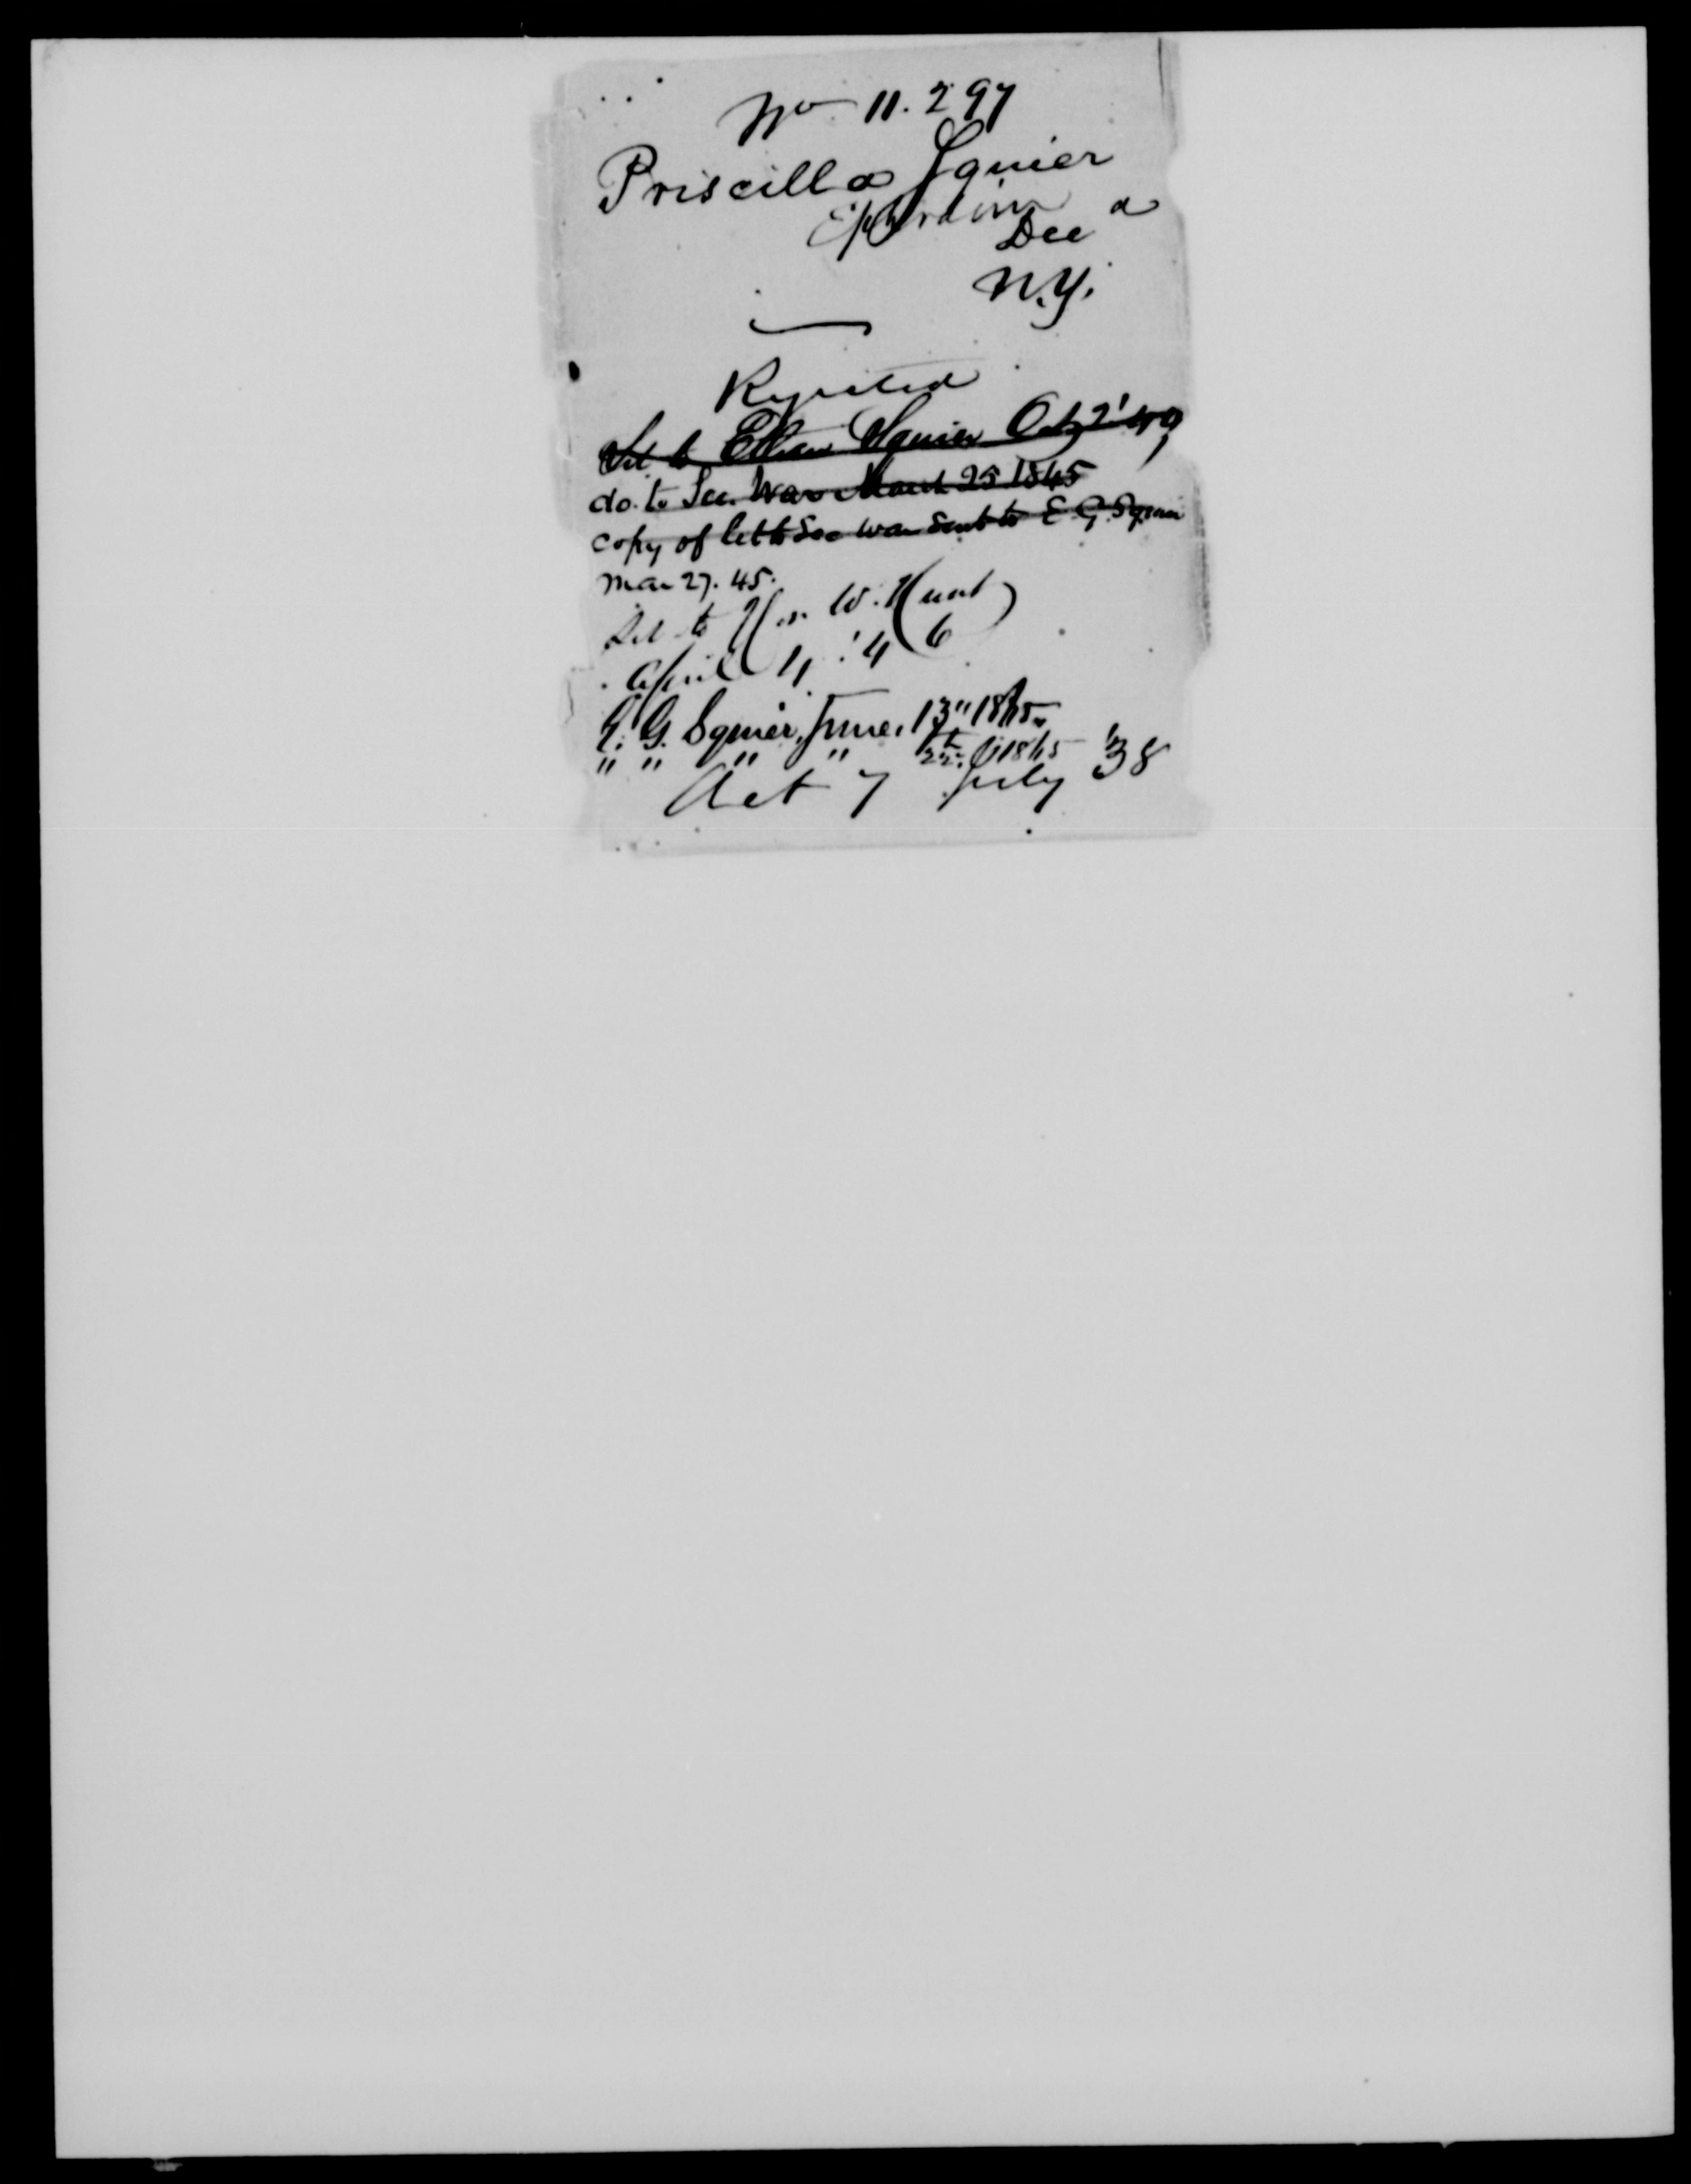No 11.297
Priscilla Squier
Ephraim    a
See
N. Y.

Requested 
[Illegible] to Ethan Squier  [illegible]
do to Sec. War March 25, 1845
copy of letter was sent to E. G. Squier
Mar. 27 1845
Sent to [illegible] (not 6)
April 4, 44

E G. Squier June 13, 1845 
""        ""      ""    22, 1845
Oct 7 July '38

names: E G Squier; Ephraim Squier; Ethan Squier; W Hunt; E G Squier; Priscilla Squier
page: 24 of 70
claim: rejected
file: R. 10,026, for Ephraim Squier, Connecticut